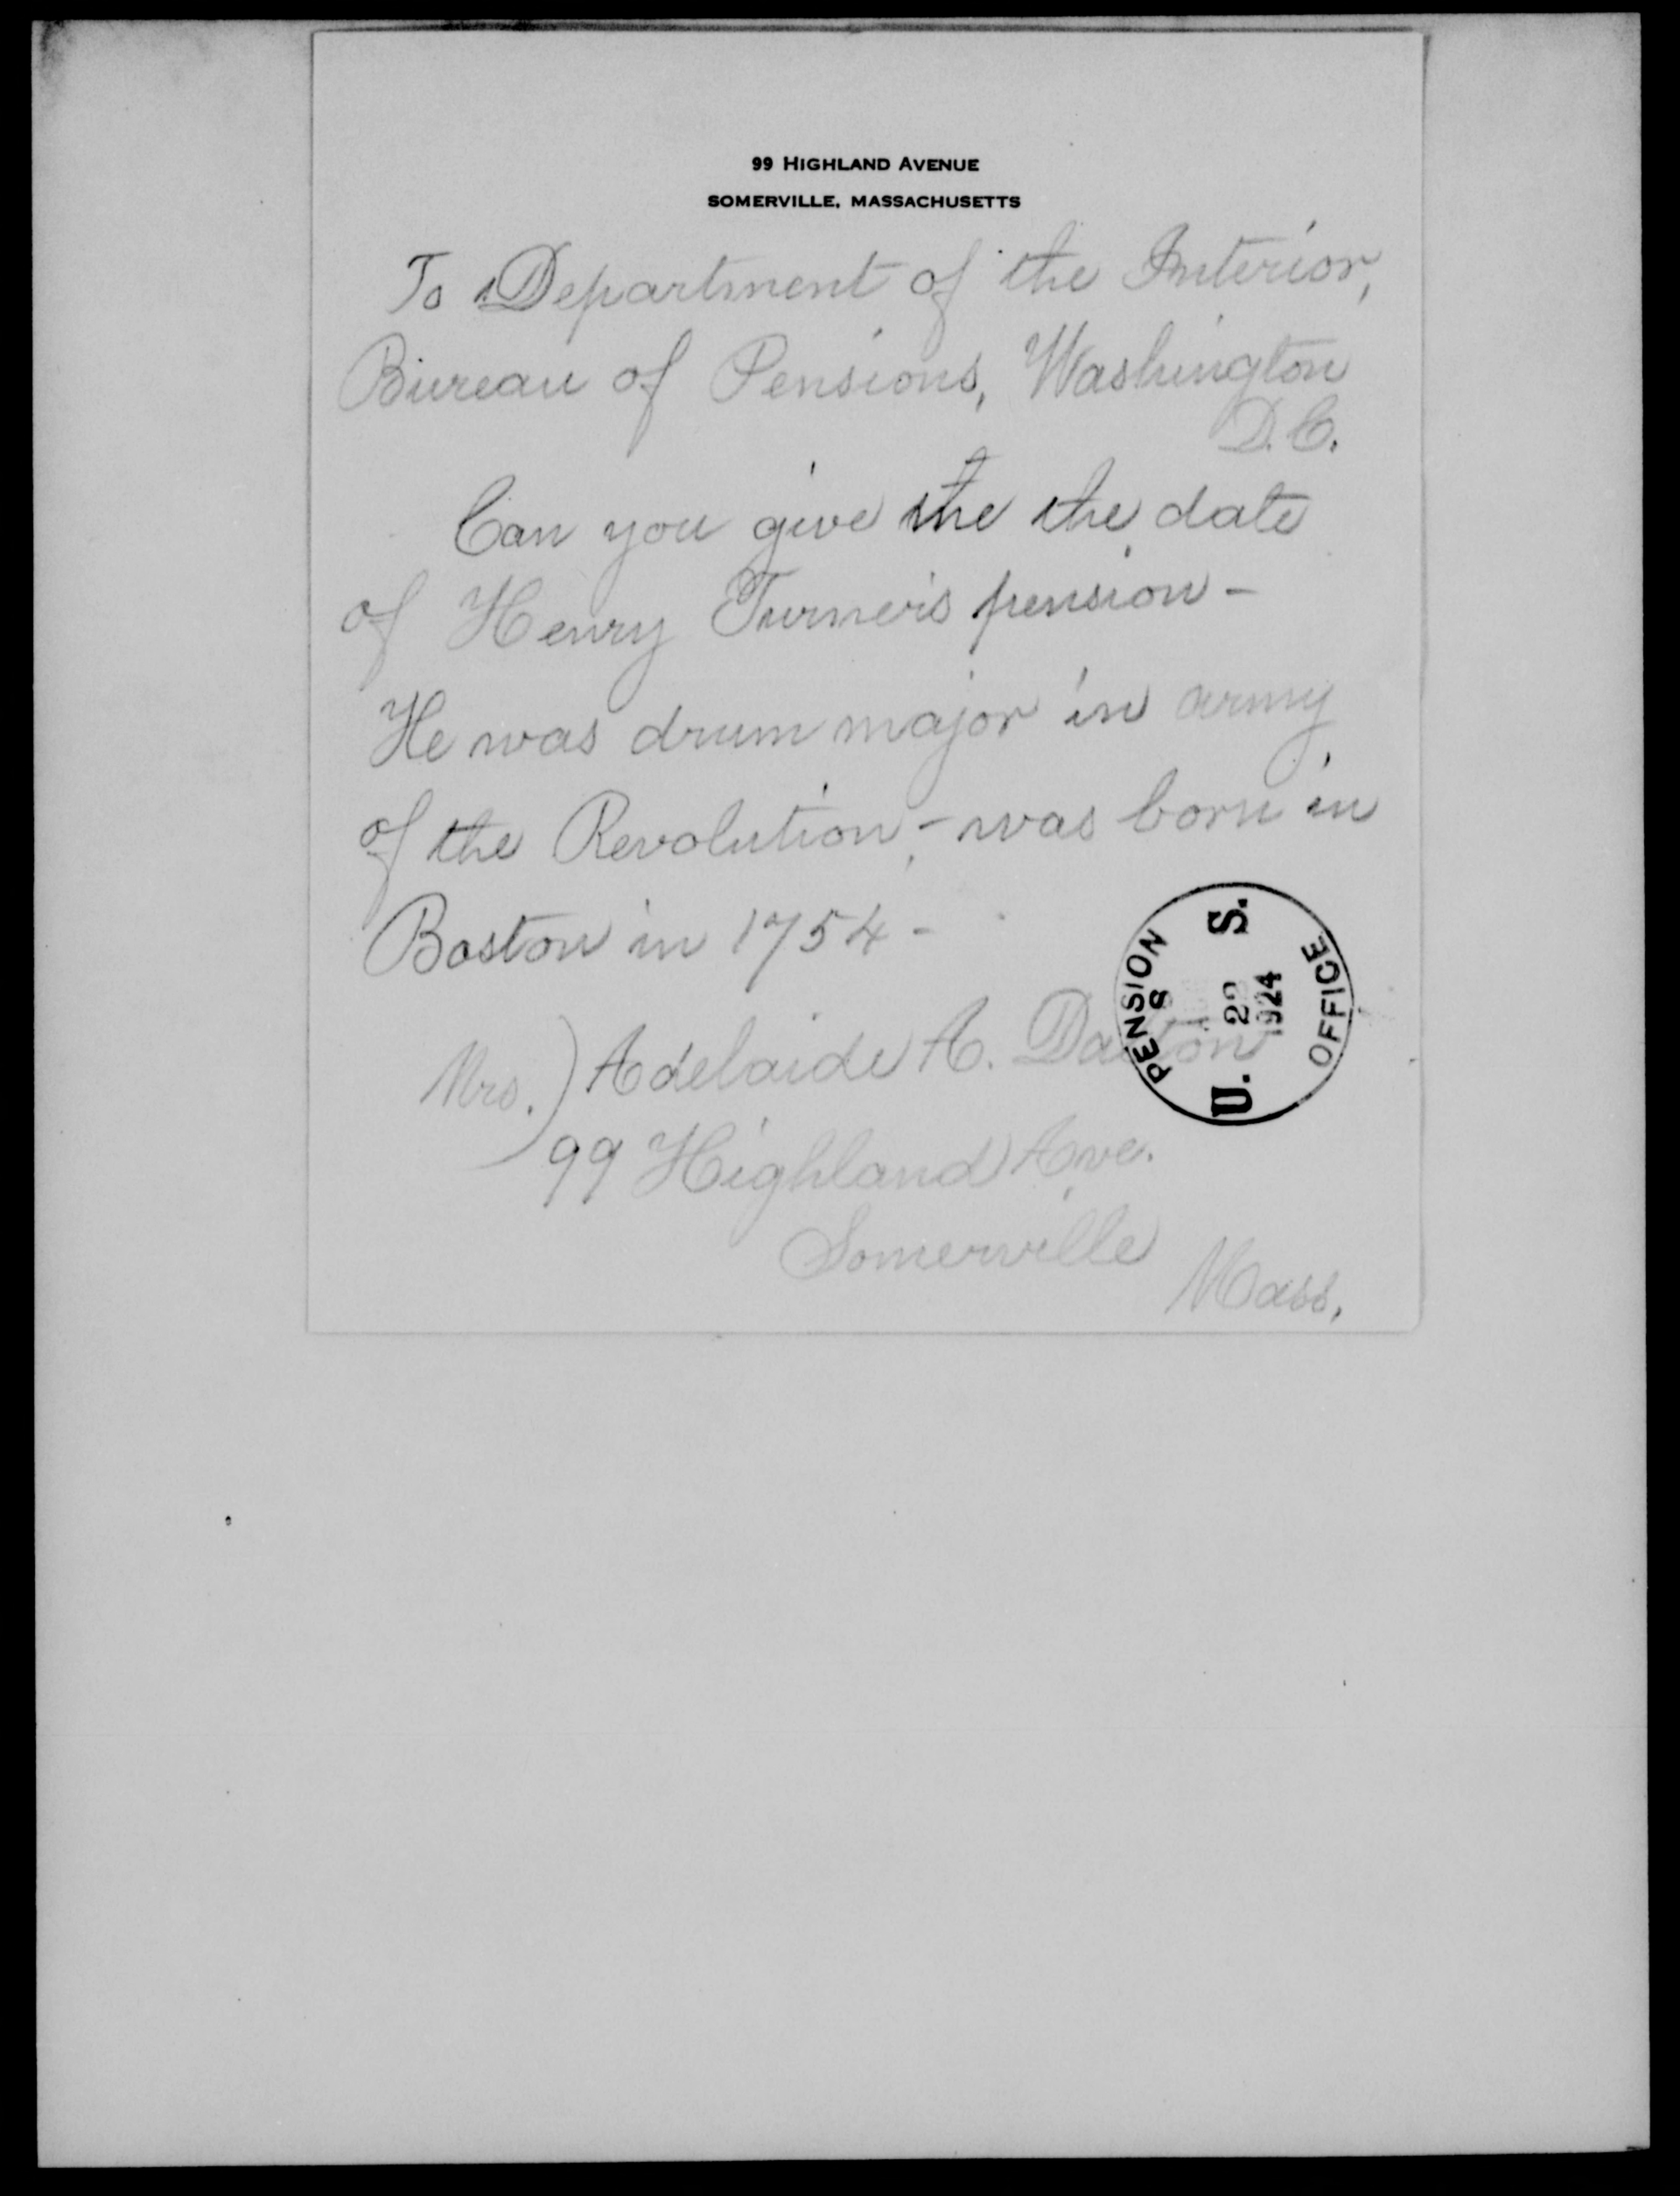99 HIGHLAND AVENUE
SOMERVILLE, MASSACHUSETTS [centered]

The Department of the Interior, Bureau of Pensions, Washington D.C.

Can you give me the date of Henry Turner's pension - He was drum major in army of the Revolution - was born in Boston in 1754 -

Mrs.Adelaide A. Dalton
99 Highland Ave.
Somerville Mass.

[Postal Stamp]
U.S. Pension Office
8 22 1924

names: Henry Turner, Adelaide A Dalton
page: 11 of 11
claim: survivor's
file: S. 33842, Henry Turner, R.I.